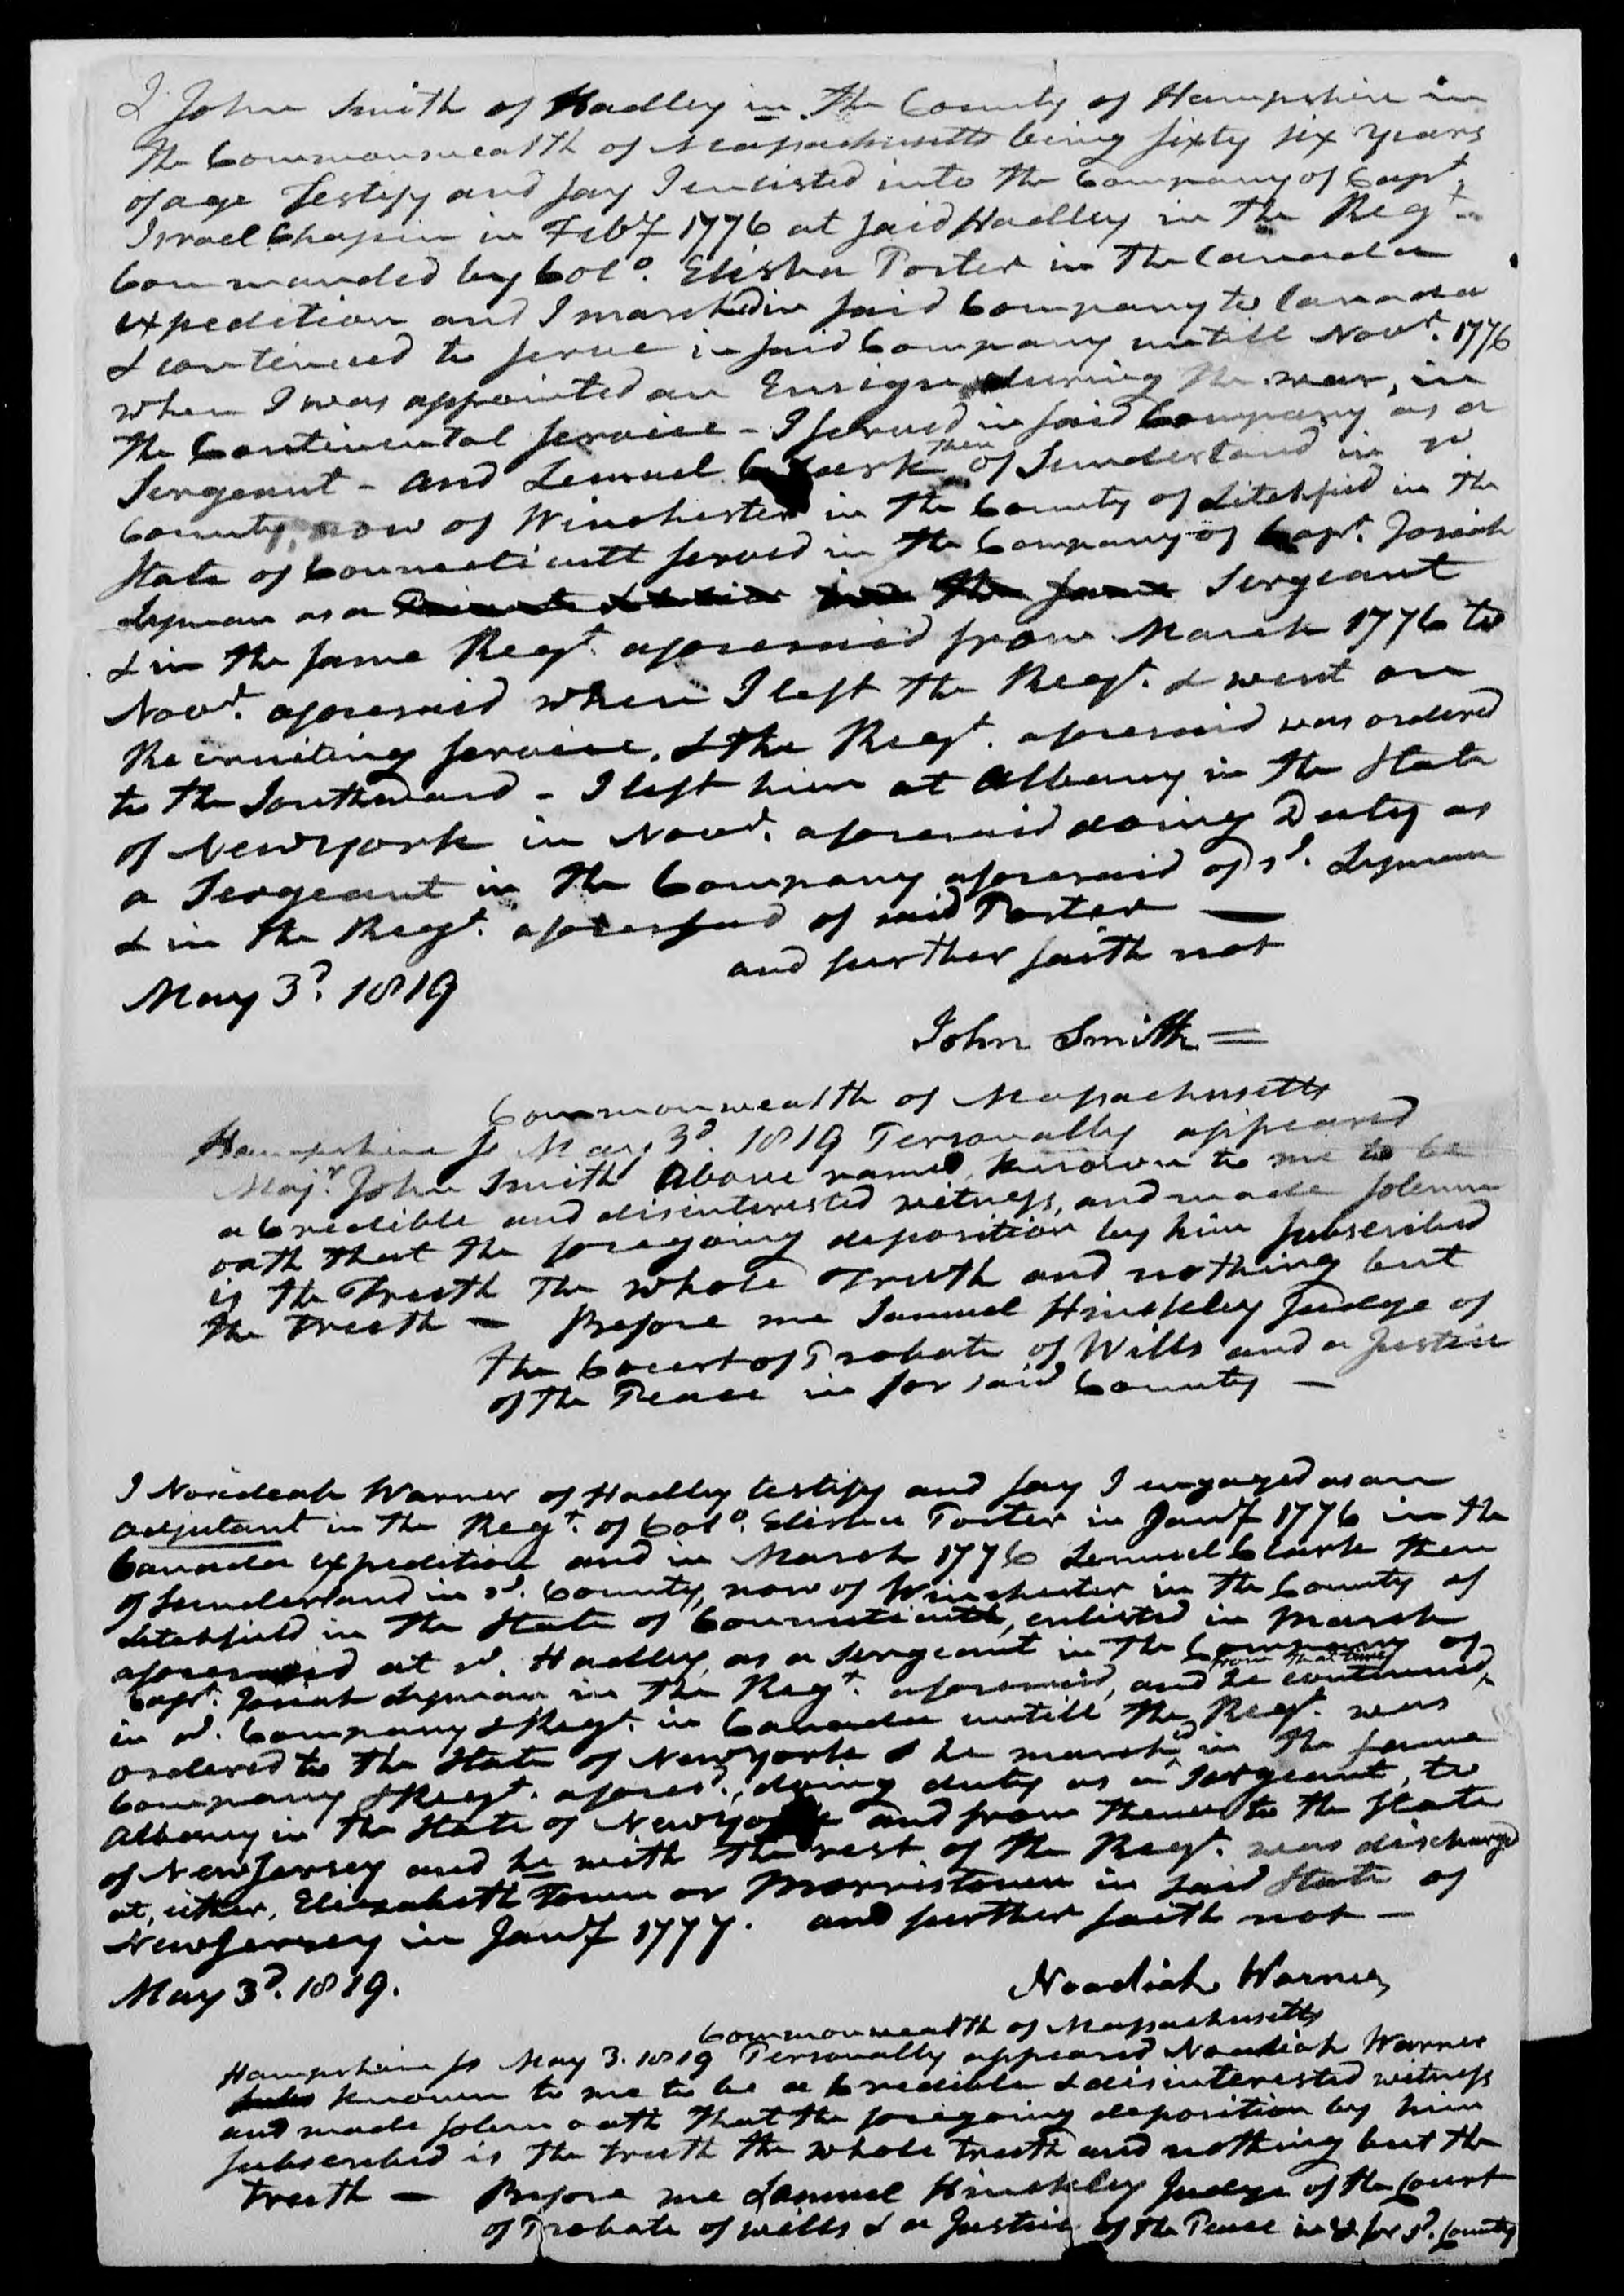I John Smith of Hadley in the County of Hampshire in The Commonwealth of Massachusetts being sixty six years of age testify and say I enlisted into the Company of Capt Israel Chapin in Feby 1776 at said Hadley in the Reg commanded by Col. Elisha Porter in the Canada expedition and I marched in said Company to Canada & continued to serve in said Company untill Novr 1776 when I was appointed an Ensign during the war, in the Continental service. I served in said Company as a Sergeant and Lemuel Clarke of Sunderland in County now of Winchester in the County of Litchfield in the State of Connecticut Served in the Company of Capt Josiah Lyman as a Sergeant in the same Regt aforesaid from March 1776 to Novr aforesaid when I left the Regt. & went on Recruiting service, & the Regt. aforesaid was ordered to the Southward- I left him at Albany in the State of New York in Nov aforesaid doing duty as Sergeant in the Company aforesaid of Lyman & in the Reg aforesaid of said Porter 
May 3d 1819 and further saith not 
John Smith 

Commonwealth of Massachusetts Hampshire SS May 3d 1819 

Personally appeared Majr John Smith above named, known to me to be credible and disinterested witness, and made solemn oath that the foregoing deposition by him subscribed of the truth the whole truth and nothing but the truth Before me Samuel Hinckley Judge of the Court of Probate of Wills and a Justice of the Peace in for said County 

I Noadiah Warner of Hadley testify and say I engaged as an adjutant in the Regt of Col. Elisha Porter in Jany 1776 in the Canada expedition and in March 1776 Lemuel Clark then of Sunderland in sd County, now of Winchester in the County of Litchfield in the State of Conneticutt, enlisted in March aforesaid at sd Hadley, as a Sergeant in the Company of Josiah Lyman in the Regt aforesaid, and he continued in sd company & Regt. in Canada untill the Regt was ordered to the State of New York & he marched in the same Company as aforesd doing duty as a Sargeant to Albany in the State of New York and from thence to the state of New Jersey and he with the rest of the Regt was discharged there, Elizabeth Town or Morristown in said State of New Jersey in Jany 1777. and further saith not- May 3d 1819 Noadiah Warner 

Commonwealth of Massachusetts Hampshire SS May 3. 1819 

personally appeared Noadiah Warner known to me to be a credible & disinterested witness and made solemn oath that the foregoing deposition by him subscribed is the truth the whole truth and nothing but the truth. Before me 
Samuel Hinckley Judge of the Court of Probate of wills & a Justice of the Peace in & for County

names: John Smith, John Smith, Noadiah Warner, Samuel Hinckley, Noadeah Warner, Samuel Hinckley, Elisha Porter, Noadiah Warner, Lemuel Clark, Elisha Porter, Josiah Lyman, Lemuel Clark, Josiah Lyman, Porter, Lyman, John Smith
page: 37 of 48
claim: survivor's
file: S. 17343, Lemuel Clarke, Mass.